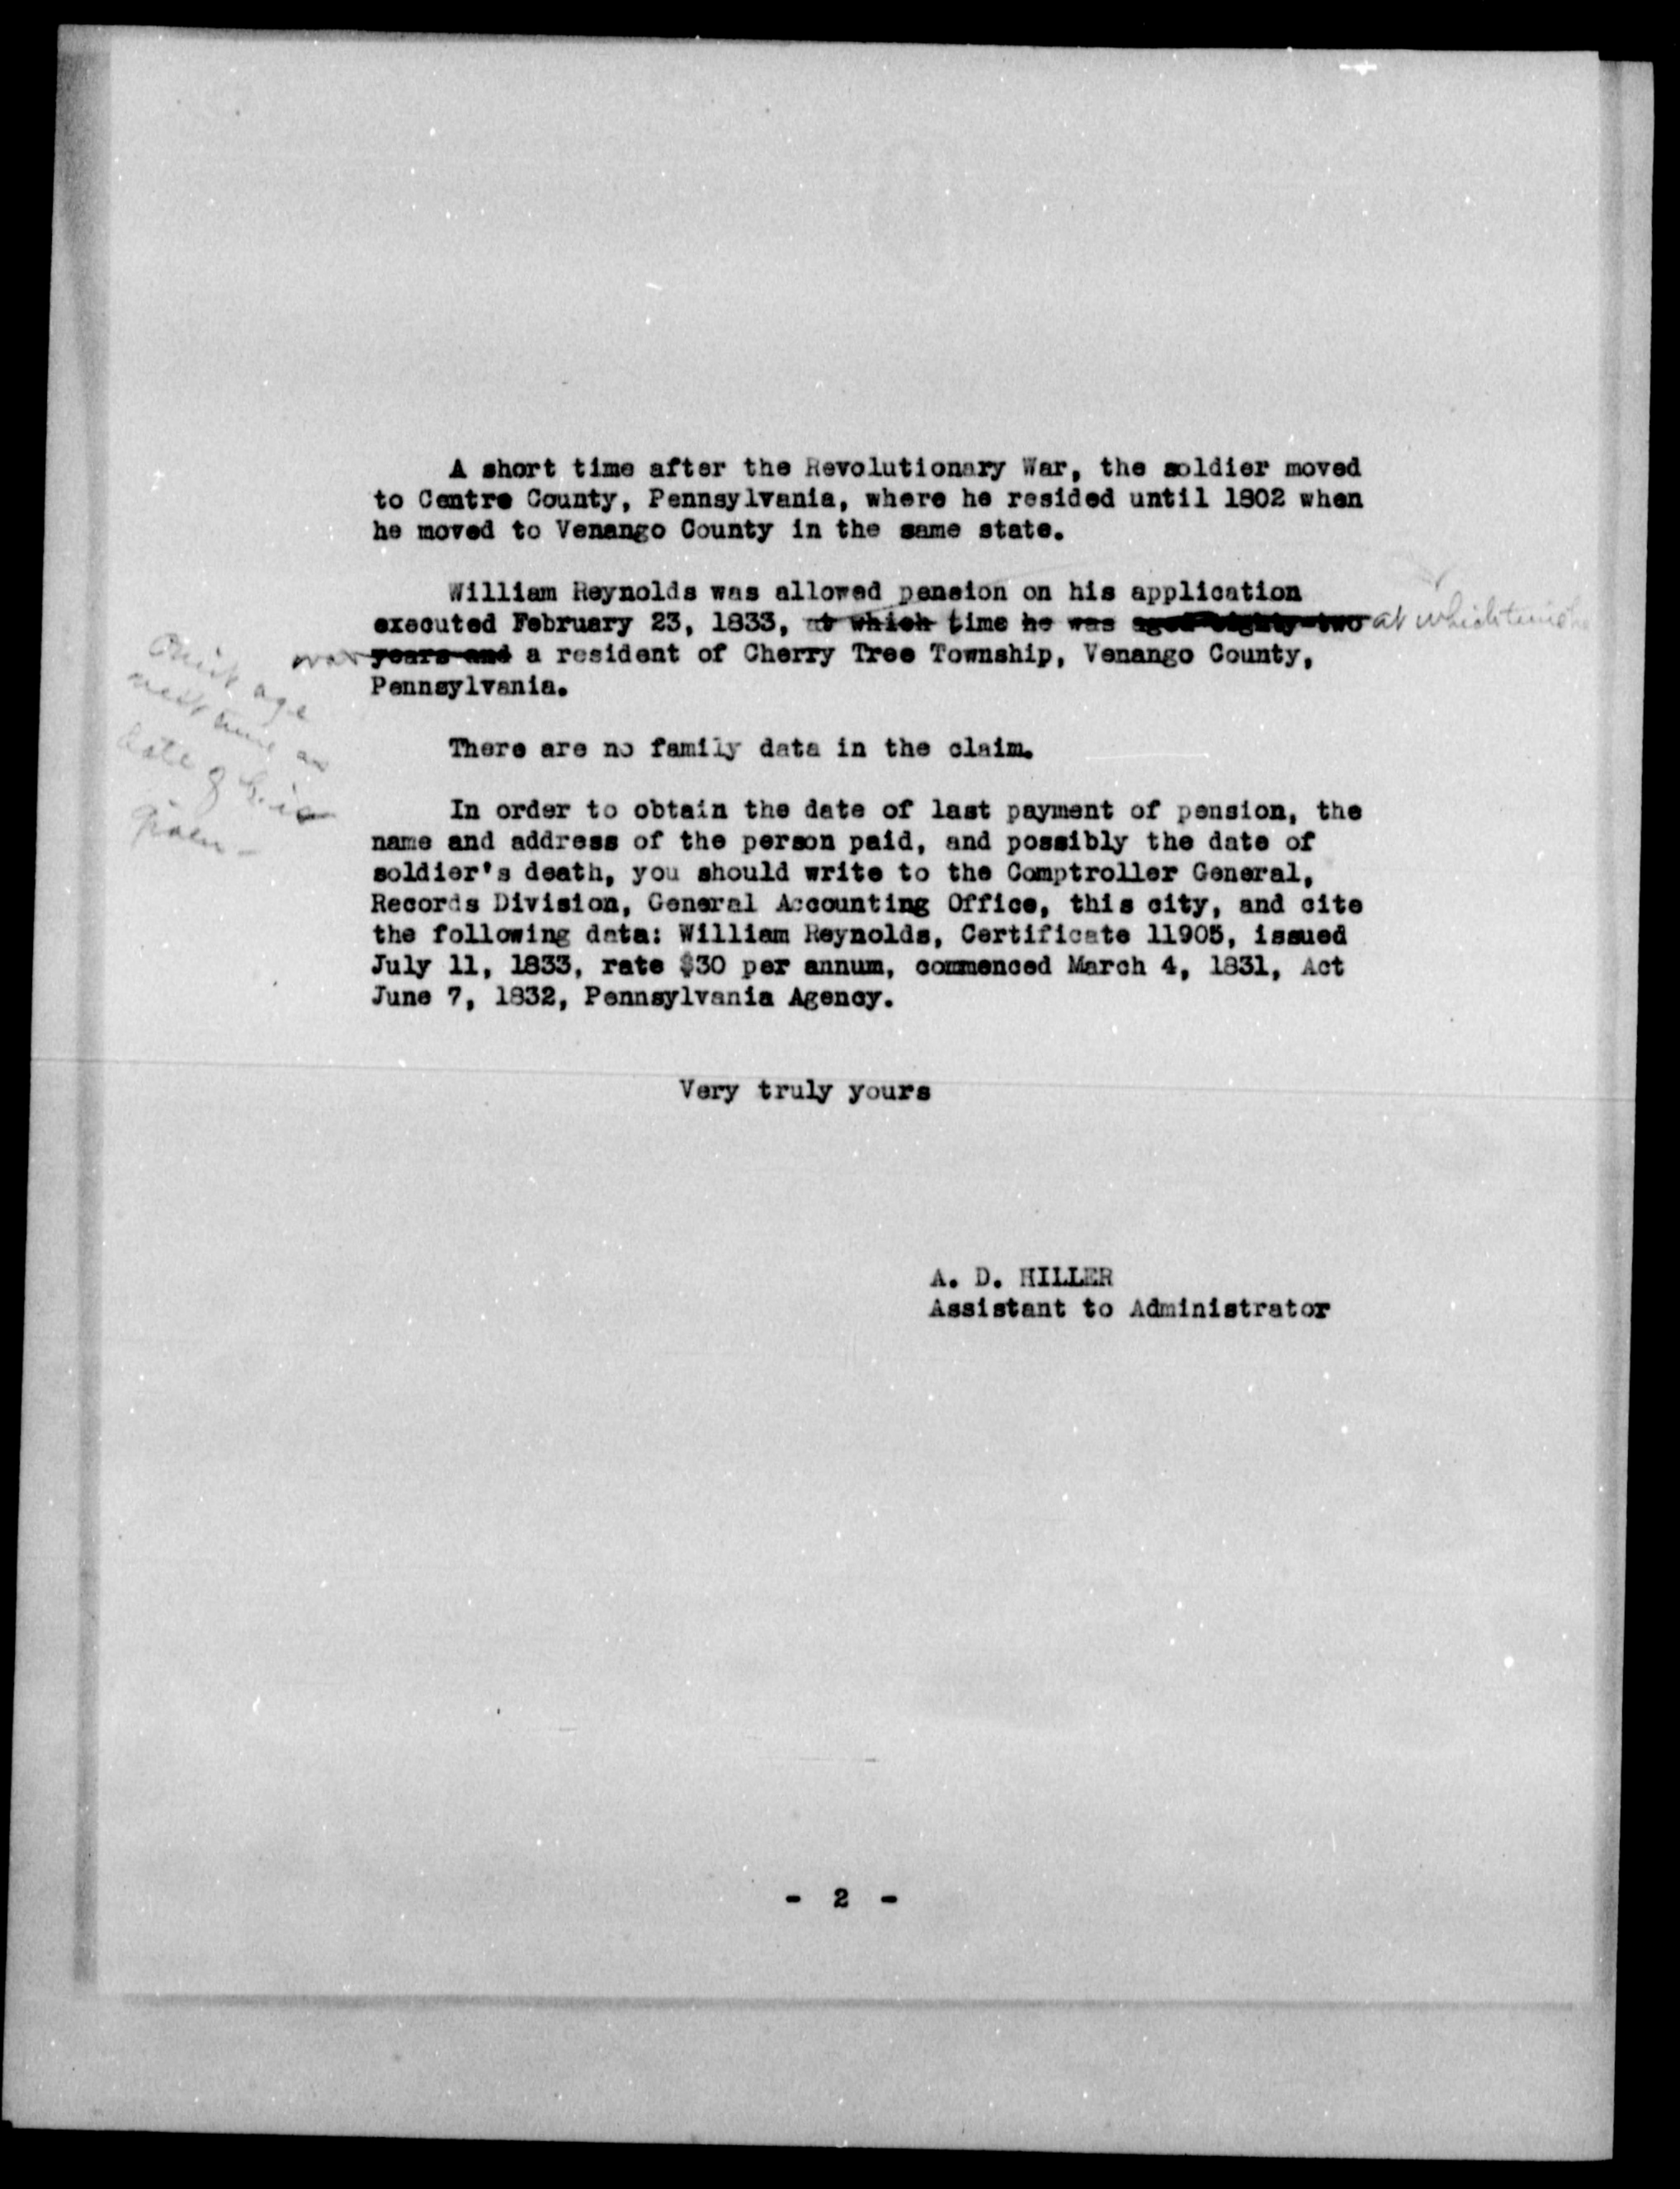A short time after the Revolutionary War, the soldier moved to
Centre County, Pennsylvania, where he resided until 1802 when
he moved to Venango County in the same state.
William Reynolds was allowed pension on his application
executed February 23, 1833, at which time he was [illegible] as date of [illegible] and a resident of Cherry Tree Township, Venango County,
Pennsylvania.

There are no family data in the claim.
In order to obtain the date of last payment of pension, the name and address of the persons paid, and possibly the date of
soldier's death, you should write to the Comptroller General,
Records Division, General Accounting Office, this city, and cite
the following data: William Reynolds, Certificate 11905, issued
July 11, 1833, rate $30 per annum, commenced March 4, 1831, Act
June 7, 1832, Pennsylvania Agency.

Very truly yours

A. D. HILLER
Assistant to Administrator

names: A D Hiller; William Reynolds; William Reynolds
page: 13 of 19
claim: survivor's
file: S. 14,273, for William Reynolds, Pennsylvania